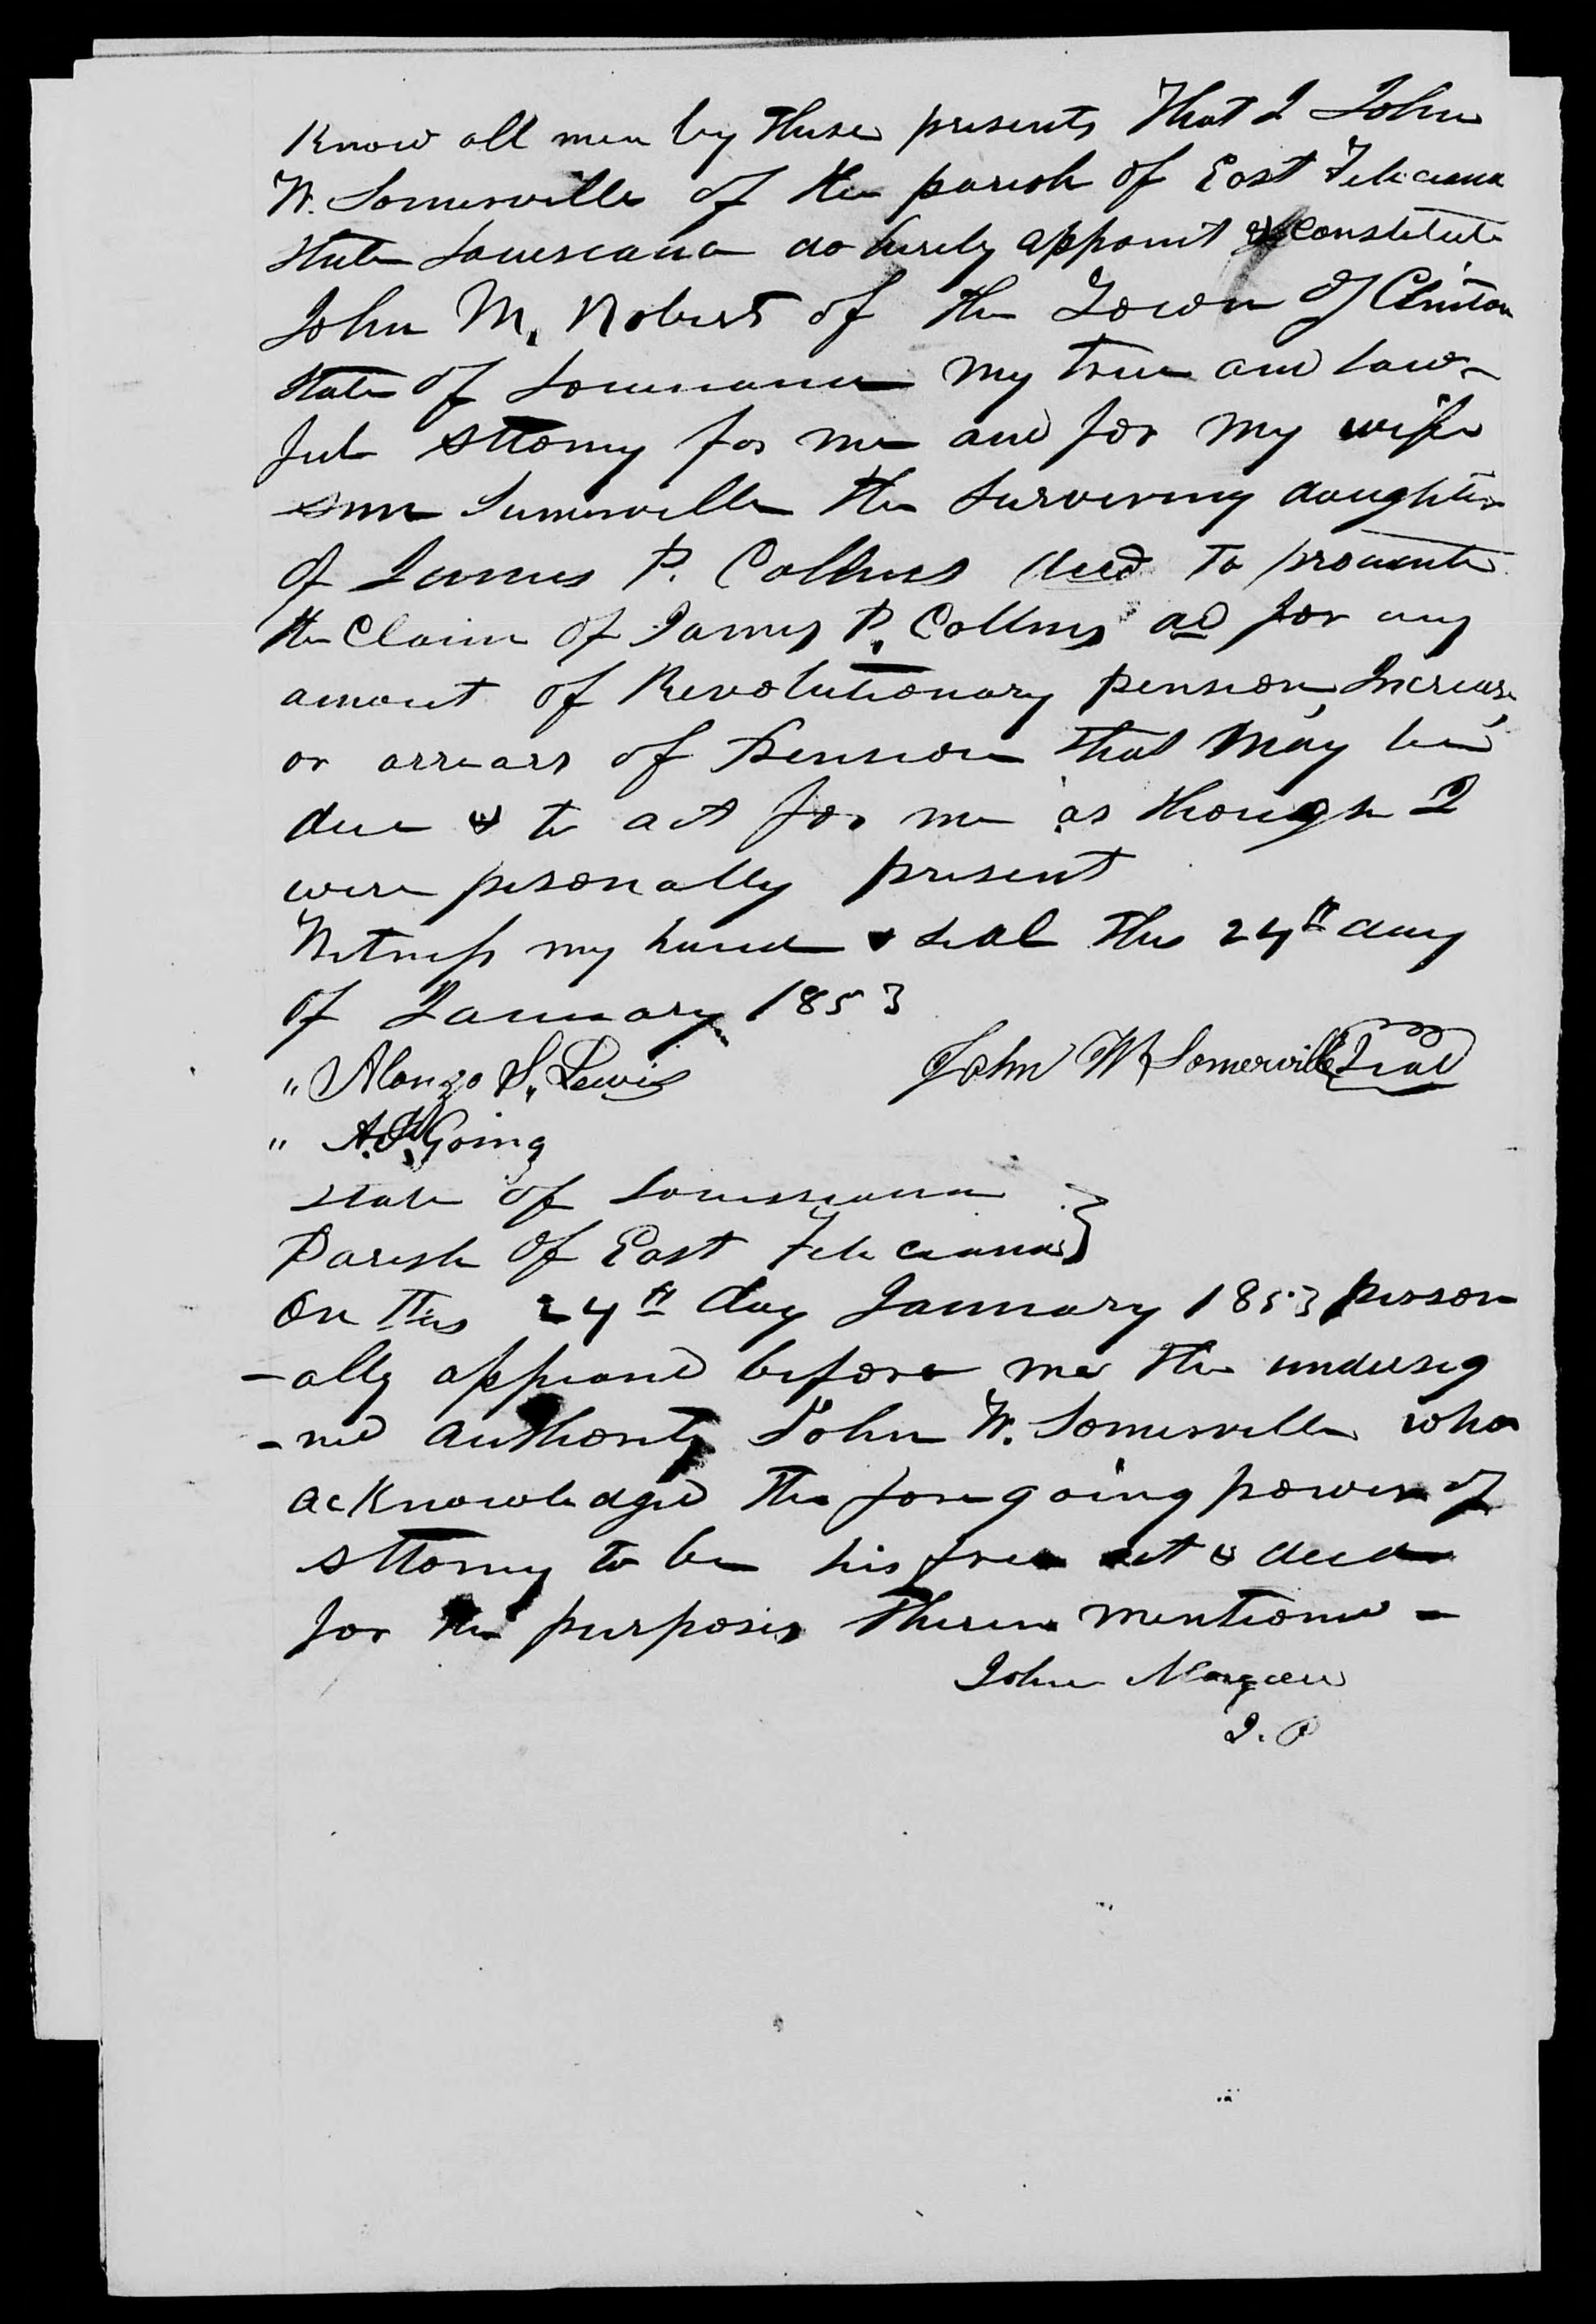Know all men by these presents That I John W. Somerville of the parish of East Feliciana State e Louisiana do hereby appoint constitute John M. Roberts of the Town of Clinton State of Louisiana my true and lawful attorney for me and for my wife Ann Somerville the surviving daughter of James P. Collins dcd to prosecute the claim of James P. Collins and for any amount of Revolutionary pension Increase or arrears of Pension that may be due & to act for me as though I
were personally present
[signed] John W. Somerville

Witness my hand & seal the 24th day of January 1853
 Alonzo S. Lewis
 A.D. Going

State of Louisiana
Parish of East Feliciana
On this 24th day January 1853 personally appeared before me the undersigned and acknowledged the foregoing power of attorney to be his free act & deed for the purposes therein mentioned -
John Morgan
J. P.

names: John W Somerville, James P Collins, Alonzo S Lewis, John W Somerville, John Morgan, John W Somerville, John M Roberts, A J Going, James P Collins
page: 20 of 48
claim: rejected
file: R. 2173, James P Collins, S. C.